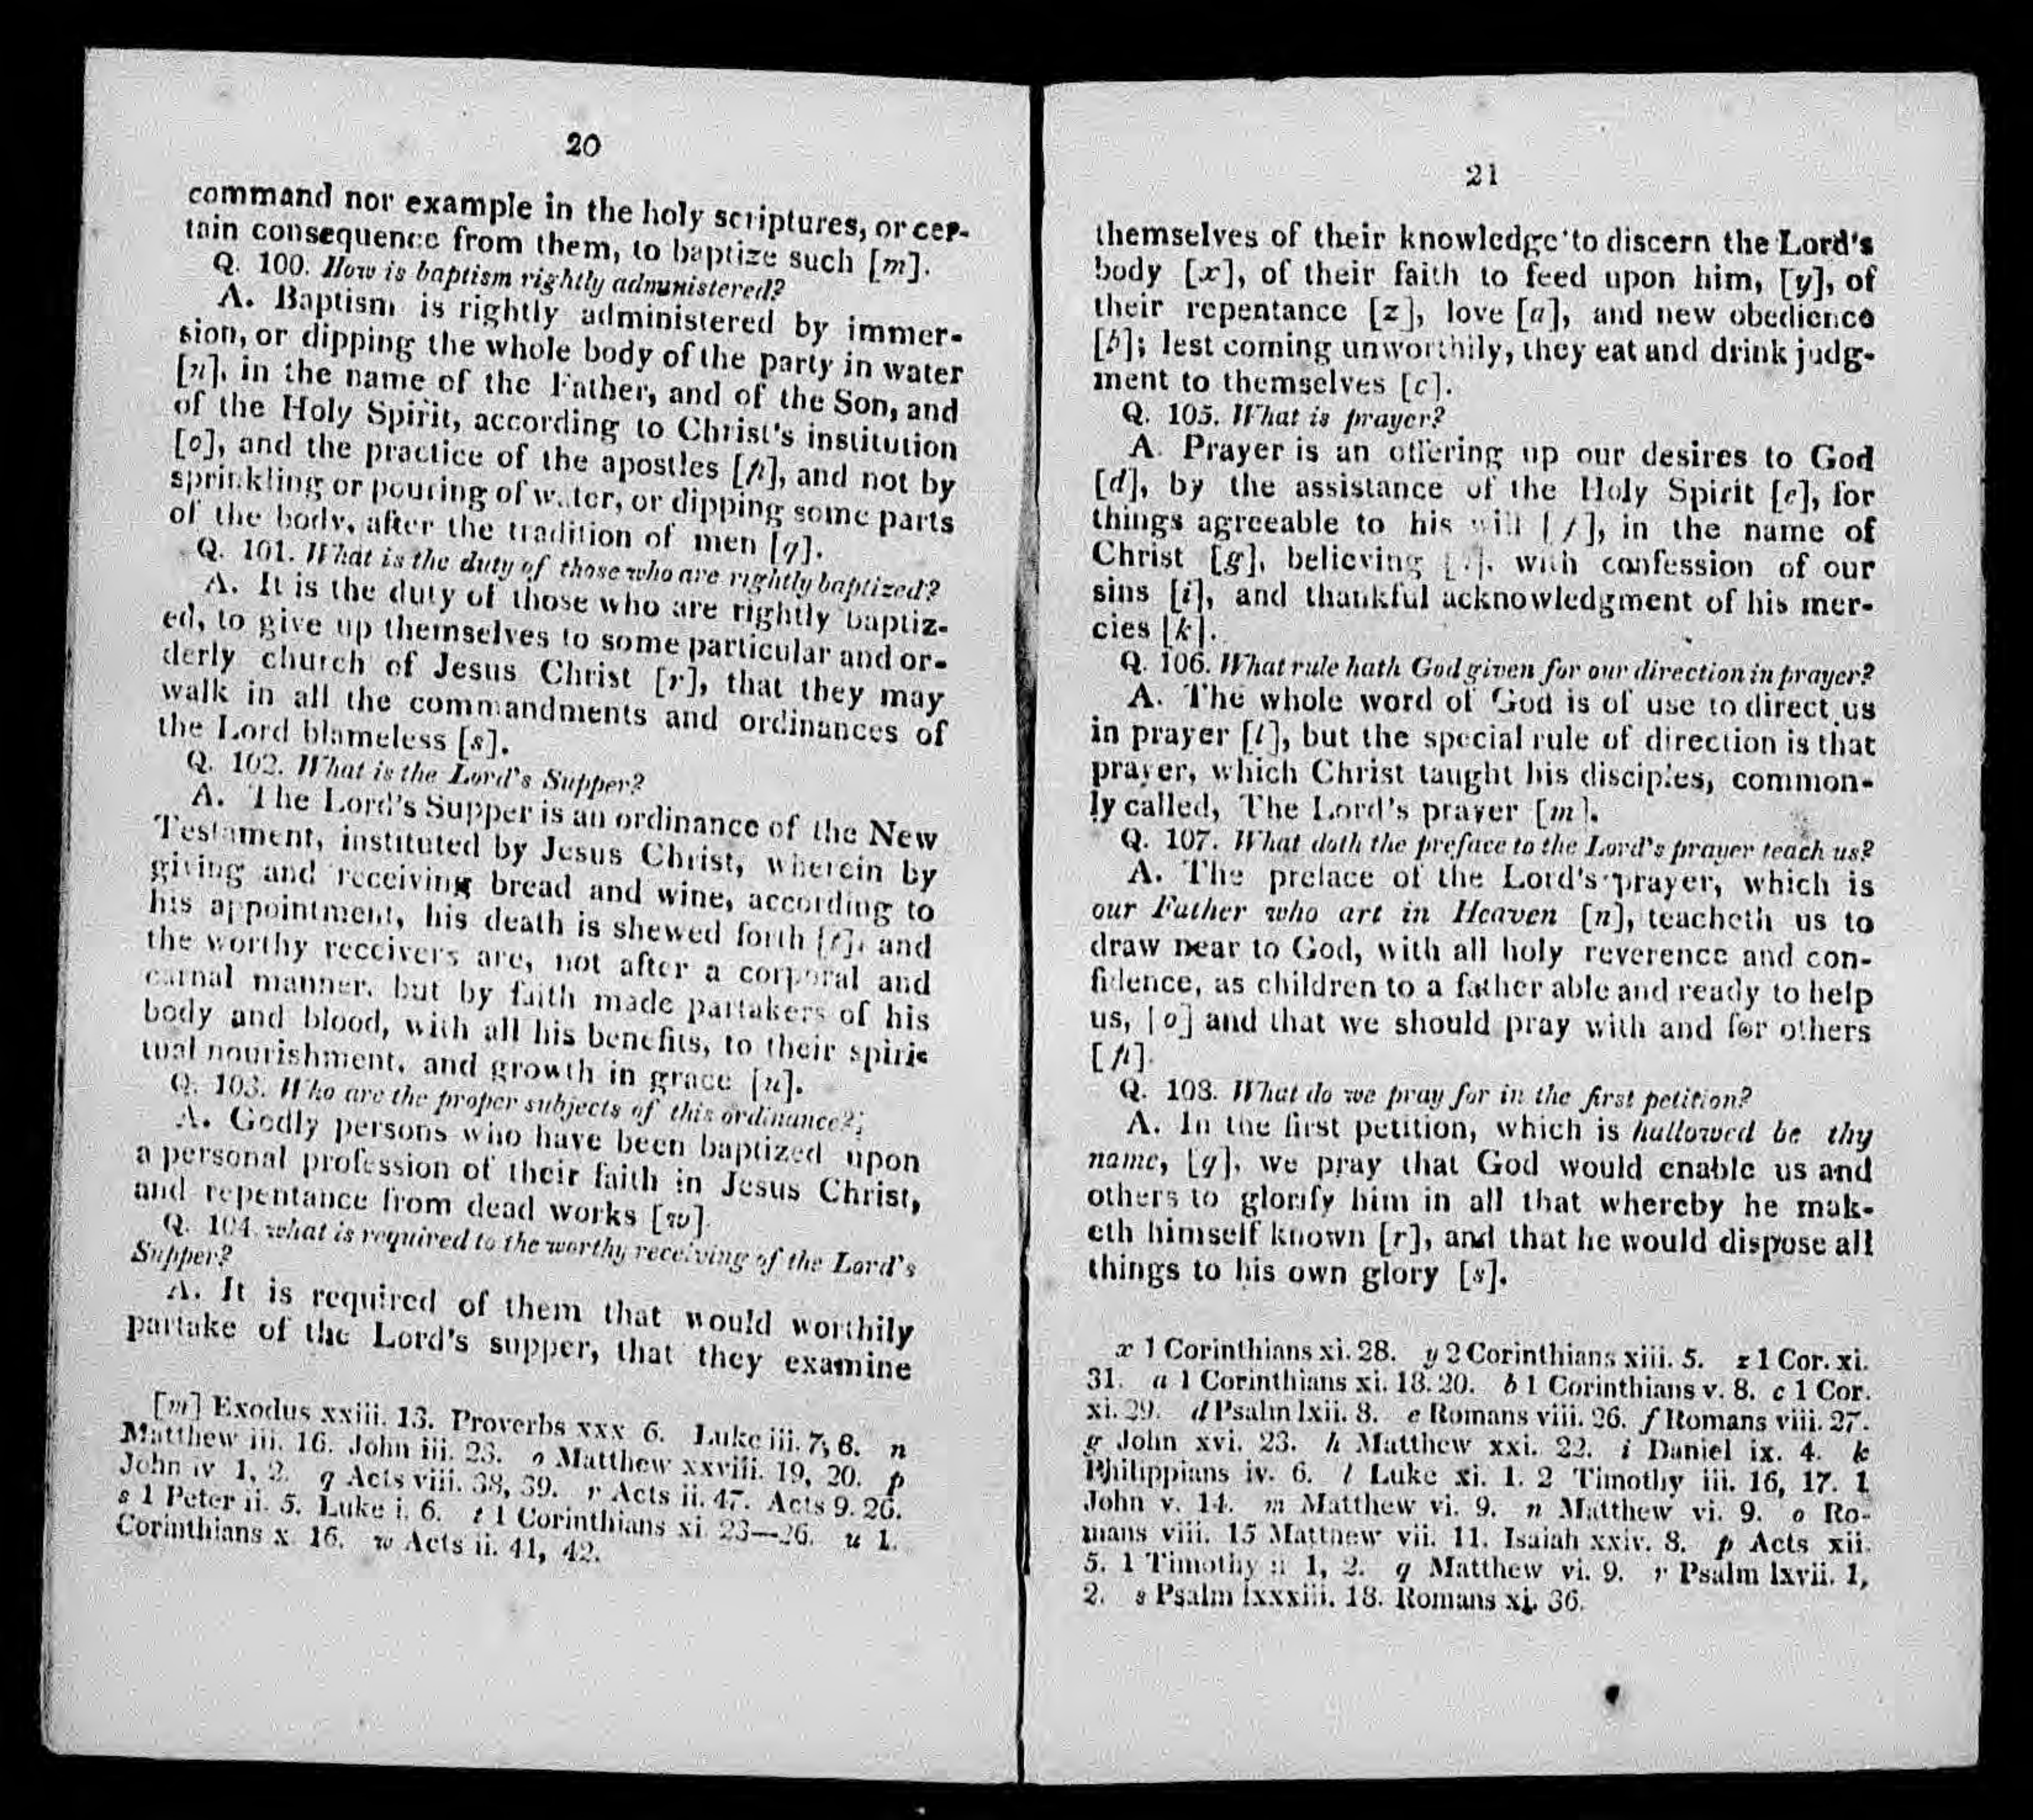[left side page] 20
command nor example in the holy scriptures, or certain consequence from them, to baptize such [m].
Q. 100. How is baptism rightly administered?
A. Baptism is rightly administered by immersion, or dipping the whole body of the party in water [n] ,in the name of the Father, and of the Son, and of the Holy Spirit, according to Christ's institution [on\, and the practice of the apostles [p], and not by sprinkling or pouring of water, or dipping some parts of the body, after the tradition of men [q].
Q. 101. What is the duty of those who are rightly baptized?
A. It is the duty of those who are rightly baptized, to give up themselves to some particular and orderly church of Jesus Christ [r], that they may walk in all the commandments and ordinances of the Lord blameless [s].
Q. 102, What is the Lord's supper?
A. the Lord's Supper is an ordinance of the New Testament, instituted by Jesus Christ, wherein by giving and receiving bread and wine, according to his appointment, his death is shewed forth [t], and the worthy receivers are, not after a corporal and carnal manner, but by faith made partakers of his body and blood, with all his benefits, to their spiritual nourishment, and growth in grace [u].
Q. 103. who are the proper subjects of this ordinance?
A. Godly persons who have been baptized upon a personal profession of their faith in Jesus Christ, and repentance from dead works [w].
Q. 104. What is required to the worthy receiving of the Lord's Supper?
A. It is required of them that would worthily partake of the Lord's supper, that they examine 

[m] Exodus xxiii. 13 Proverbs xxx 6. Luke iii. 7, 8.  n Matthew iii. 16. John iii. 23. o Matthew xxviii. 19, 20.  p John iv 1, 2.  a Acts viii. 28, 29.  re Acts ii. 47. acts 9. 26.  s 1 Peter ii. 5. Luke i. 6.  t 1 Corinthians xi. 23 -26. u 1. Corinthians x 16. w Acts ii. 41, 42.

[left side page] 21
themselves of their knowledge to discern the Lord's body [x], of their faith to feed upon him, [y], of their repentance [x], love [a], and new obedience [b]; lest coming unworthily, they eat and drink judgment to themselves [c].
Q. 105. What is prayer?
A. Prayer is an offering up our desires to God [d], by the assistance of the Holy Spirit [e], for things agreeable to his will [f], in the name of Christ [g], believing [h], with confession of our sins [i], and thankful acknowledgment of his mercies [k].
Q. 106. What rule hath God given for our direction in prayer?
A. The whole word of God is of use to direct us in prayer [l], but the special rule of directions that prayer, which Christ taught his disciples, commonly called, The Lord's prayer [m].
Q. 107. What doth the preface to the Lord's prayer teaches us?
A. The prelace of the Lord's prayer, which is our father who art in Heaven [n], teacheth us to draw near to God, with all holy reverence and confidence, as children to a father able and ready to help us, [o] and that we should pray with and for others [p].
Q. 108. What do we pray for in the first petition?
A. In the first petition, which is hallowed by thy name, [q], we pray that God would enable us and others to glorify him in all that whereby he maketh himself known {r], and that he would dispose all things to his own glory [s],

x] Corinthians xi. 28. y 2 Corinthians xiii. 5.  z 1 Cor. xi. 31.  a 1 Corinthians xi. 18.20.  b 1 Corinthians v. 8.  c 1 Cor. xi. 29.  d Psalm lxii. 8. e Romans viii. 26.  f Romans vii. 7. g John xvi. 23.  h Matthew xxi. 22.  i Daniel ix. 4.  j Philippians iv. 6.  l Luke xi. 1.2 Timothy iii.16, 17. 1 John v. 14.  m Matthew vi. 9.  n Matthew vi. 9.  o Romans viii. 15 Matthew vii.  11. Isaiah xxiv. 8.  p Acts xii.  5. 1 Timothy 1, 2.  q Matthew vi. 9. r Psalm lxvii, 1, 2.  s Psalm lxxxiii, 18. Romans xi. 36.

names: John, Daniel, Matthew, John, Isaiah, Matthew, Timothy, Matthew, Luke, Matthew, John, Matthew, Luke, Matthew, Peter, Luke, Matthew, Timothy, John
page: 71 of 98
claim: widow's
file: W. 8398, William Broadway, S.C.